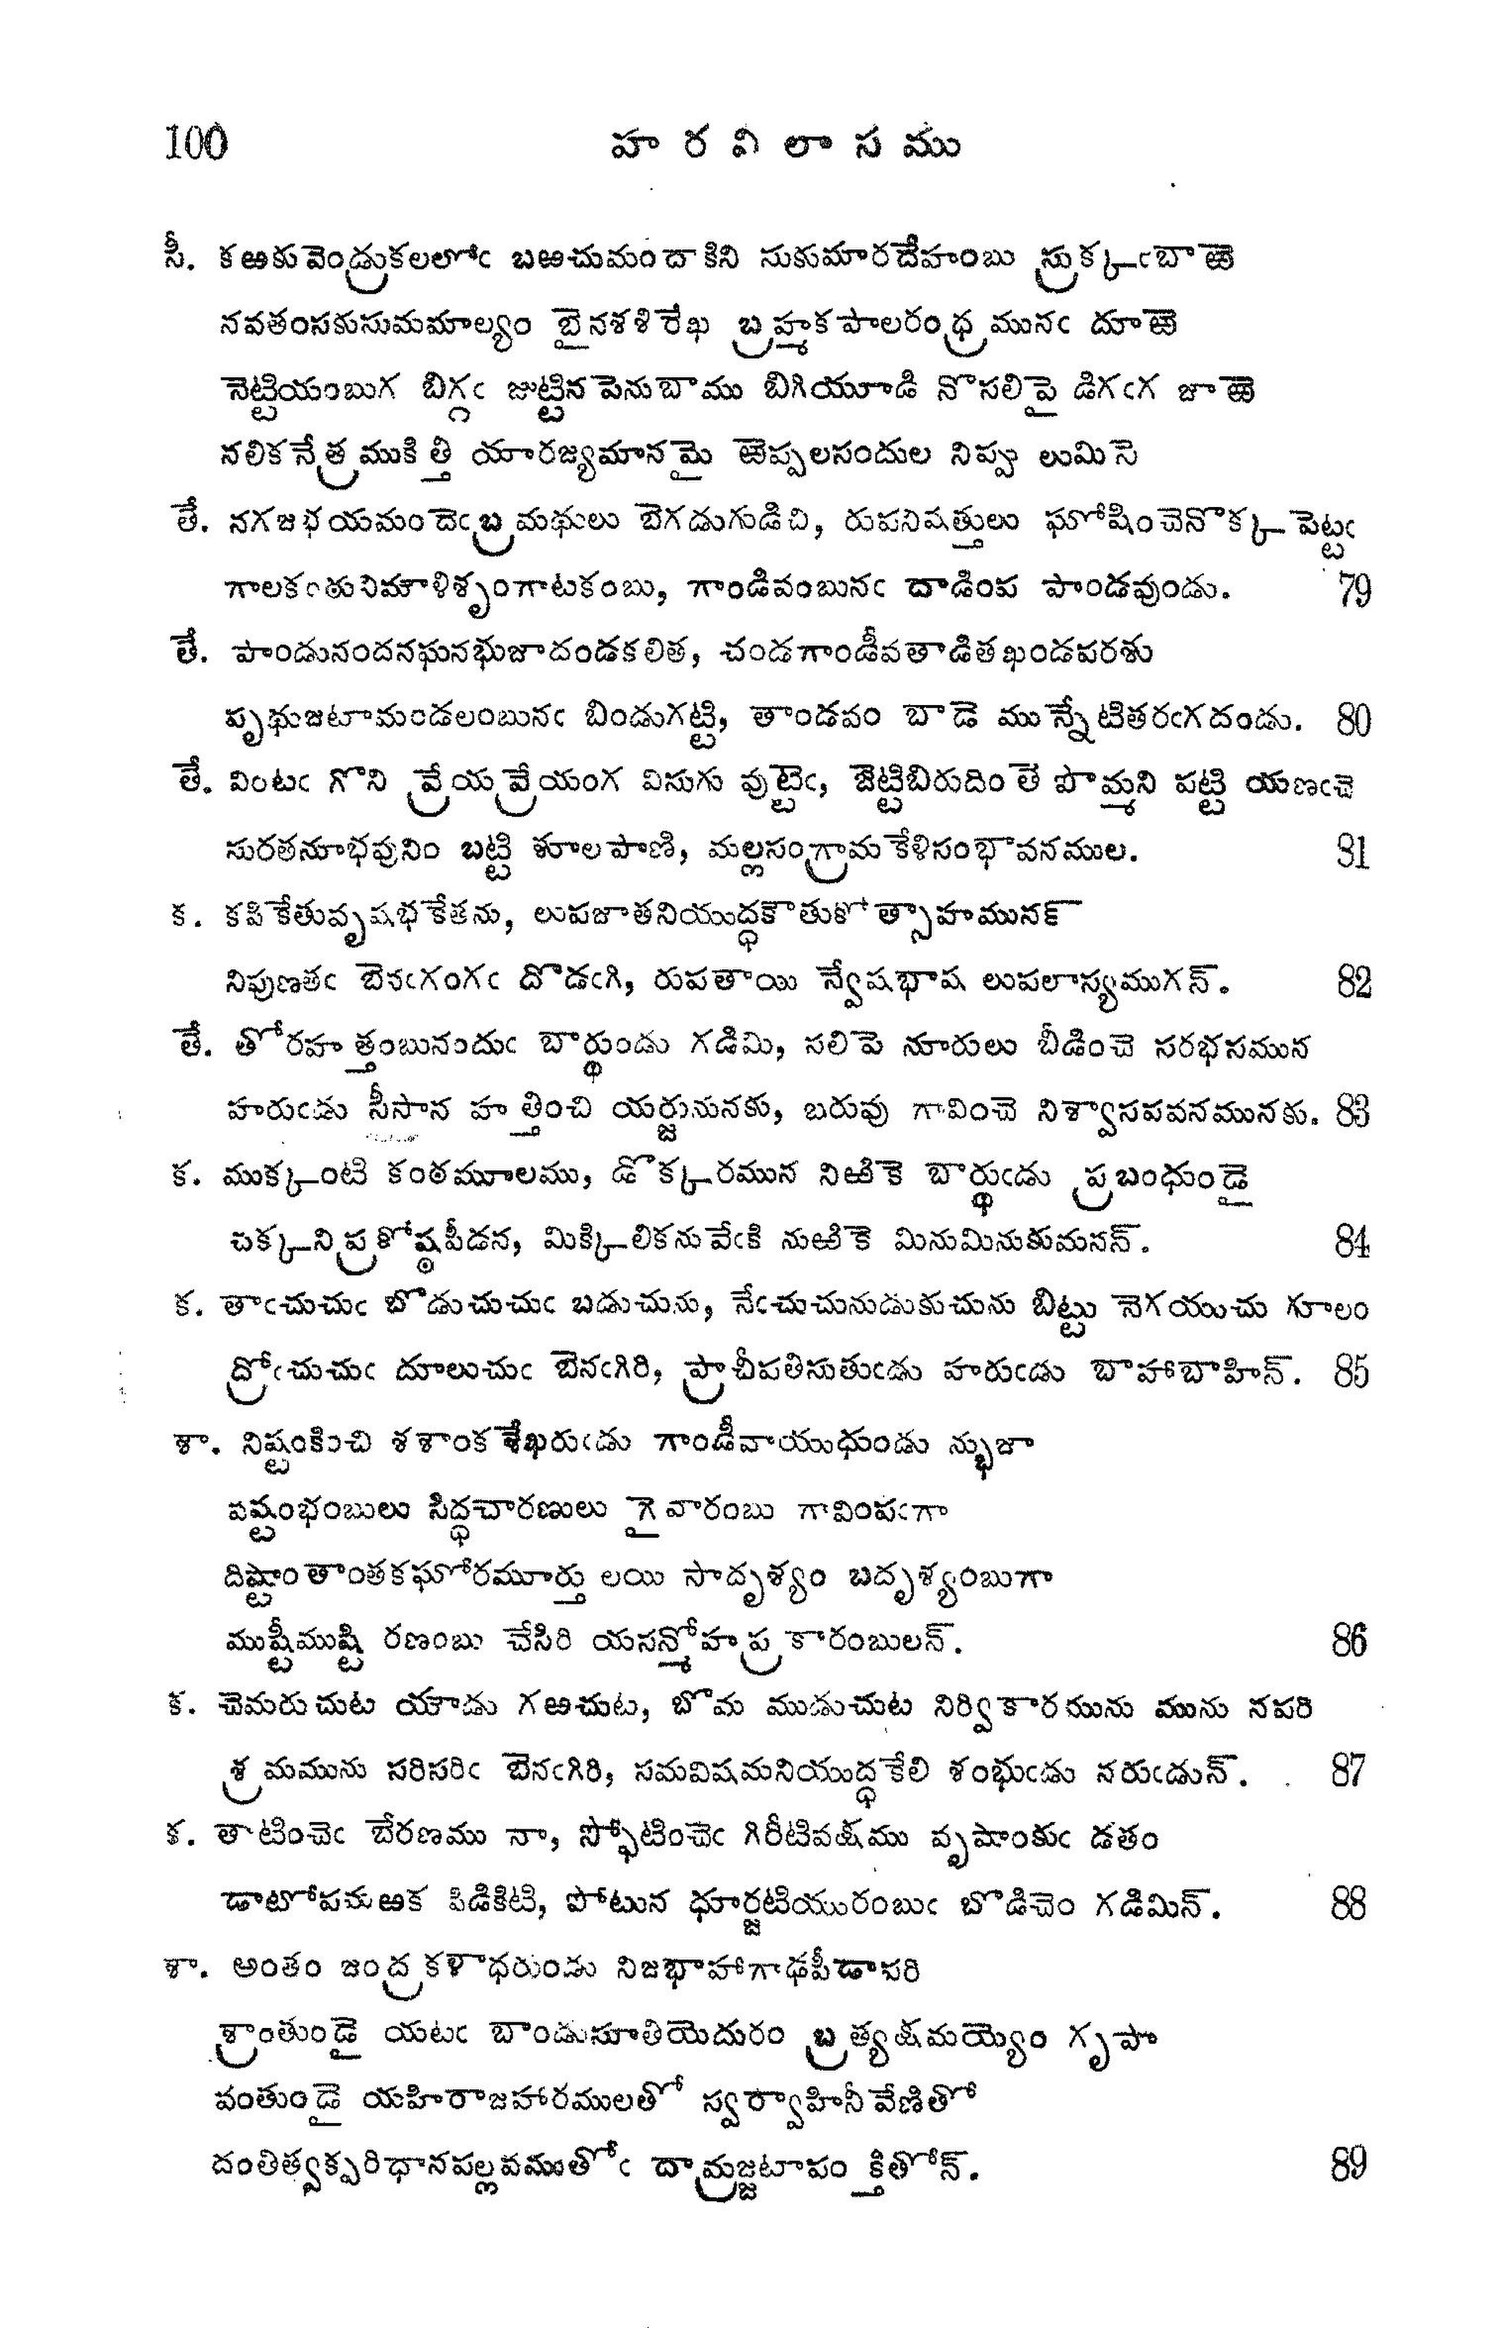సీ. కఱకువెండ్రుకలలోఁ బఱచుమందాకిని సుకుమారదేహంబు స్రుక్కఁబాఱె నవతంసకుసుమమాల్యం బైనశశిరేఖ బ్రహ్మకపాలరంధ్రమునఁ దూఱె
నెట్టియంబుగ బిగ్గఁ జుట్టినపెనుబాము బిగియూడి నొసలిపై డిగఁగ జాఱె
నలికనేత్రముకిత్తి యారజ్యమానమై ఱెప్పలసందుల నిప్పు లుమిసె
తే. నగజభయమందెఁ బ్రమథులు బెగడుగుడిచి, రుపనిషత్తులు ఘోషించె నొక్కపెట్టఁ
గాలకంఠునిమౌళిశృంగాటకంబు, గాండీవంబునఁ దాడింప పాండవుండు. 79

తే. పాండునందనఘనభుజాదండకలిత, చండగాండీవతాడితఖండపరశు
పృథుజటామండలంబునఁ బిండుగట్టి, తాండవం బాడె మున్నేటితరఁగదండు. 80

తే. వింటఁ గొని వ్రేయవ్రేయంగ విసుగు వుట్టెఁ, జెట్టిబిరుదింతె పొమ్మని పట్టి యణఁచె
సురతనూభవునిం బట్టి శూలపాణి, మల్లసంగ్రామకేళిసంభావనముల. 81

క. కపికేతువృషభకేతను, లుపజాతనియుద్ధకౌతుకోత్సాహమునన్
నిపుణతఁ బెనఁగంగఁ దొడఁగి, రుపతాయి న్వేషభాష లుపలాస్యముగన్. 82

తే. తోరహత్తంబునందుఁ బార్థుండు గడిమి, సలిపె నూరులు బీడించె సరభసమున
హరుఁడు సీసాన హత్తించి యర్జునునకు, బరువు గావించె నిశ్వాసపవనమునకు. 83

క. ముక్కంటి కంఠమూలము, డొక్కరమున నిఱికె బార్డుఁడు ప్రబంధుండై
చక్కని ప్రకోష్ఠపీడన, మిక్కిలికనువేఁకి నుఱికె మినుమినుకుమనన్. 84

క. తాఁచుచుఁ బొడుచుచుఁ బడుచును, నేఁచుచు నుడుకుచును బిట్టు నెగయుచు గూలం
ద్రోఁచుచుఁ దూలుచుఁ బెనఁగిరి, ప్రాచీపతిసుతుఁడు హరుఁడు బాహాబాహిన్. 85

శా. నిష్టంకించి శశాంకశేఖరుఁడు గాండీవాయుధుండు న్భుజా
వష్టంభంబులు సిద్ధచారణులు గైవారంబు గావింపఁగా
దిష్టాంతాంతకఘోరమూర్తు లయి సాదృశ్యం బదృశ్యంబుగా
ముష్టిముష్టి రణంబు చేసిరి యసన్మోహప్రకారంబులన్. 86

క. చెమరుచుట యౌడు గఱచుట, బొమ ముడుచుట నిర్వికారమును మును నపరి
శ్రమమును సరిసరిఁ బెనఁగిరి, సమవిషమనియుద్ధకేలి శంభుఁడు నరుఁడున్. 87

క. తాటించెఁ బేరణము నా, స్ఫోటించెఁ గిరీటివక్షము వృషాంకుఁ డతం
డాటోపమఱక పిడికిటి, పోటున ధూర్జటియురంబుఁ బొడిచెం గడిమిన్. 88

శా. అంతం జంద్రకళాధరుండు నిజభాహాగాఢపీడాపరి
శ్రాంతుండై యటఁ బాండుసూతియెదురం బ్రత్యక్షమయ్యెం గృపా
వంతుండై యహిరాజహారములతో స్వర్వాహినీవేణితో
దంతిత్వక్ఫరిధానపల్లవముతోఁ దామ్రజ్జటాపంక్తితోన్. 89